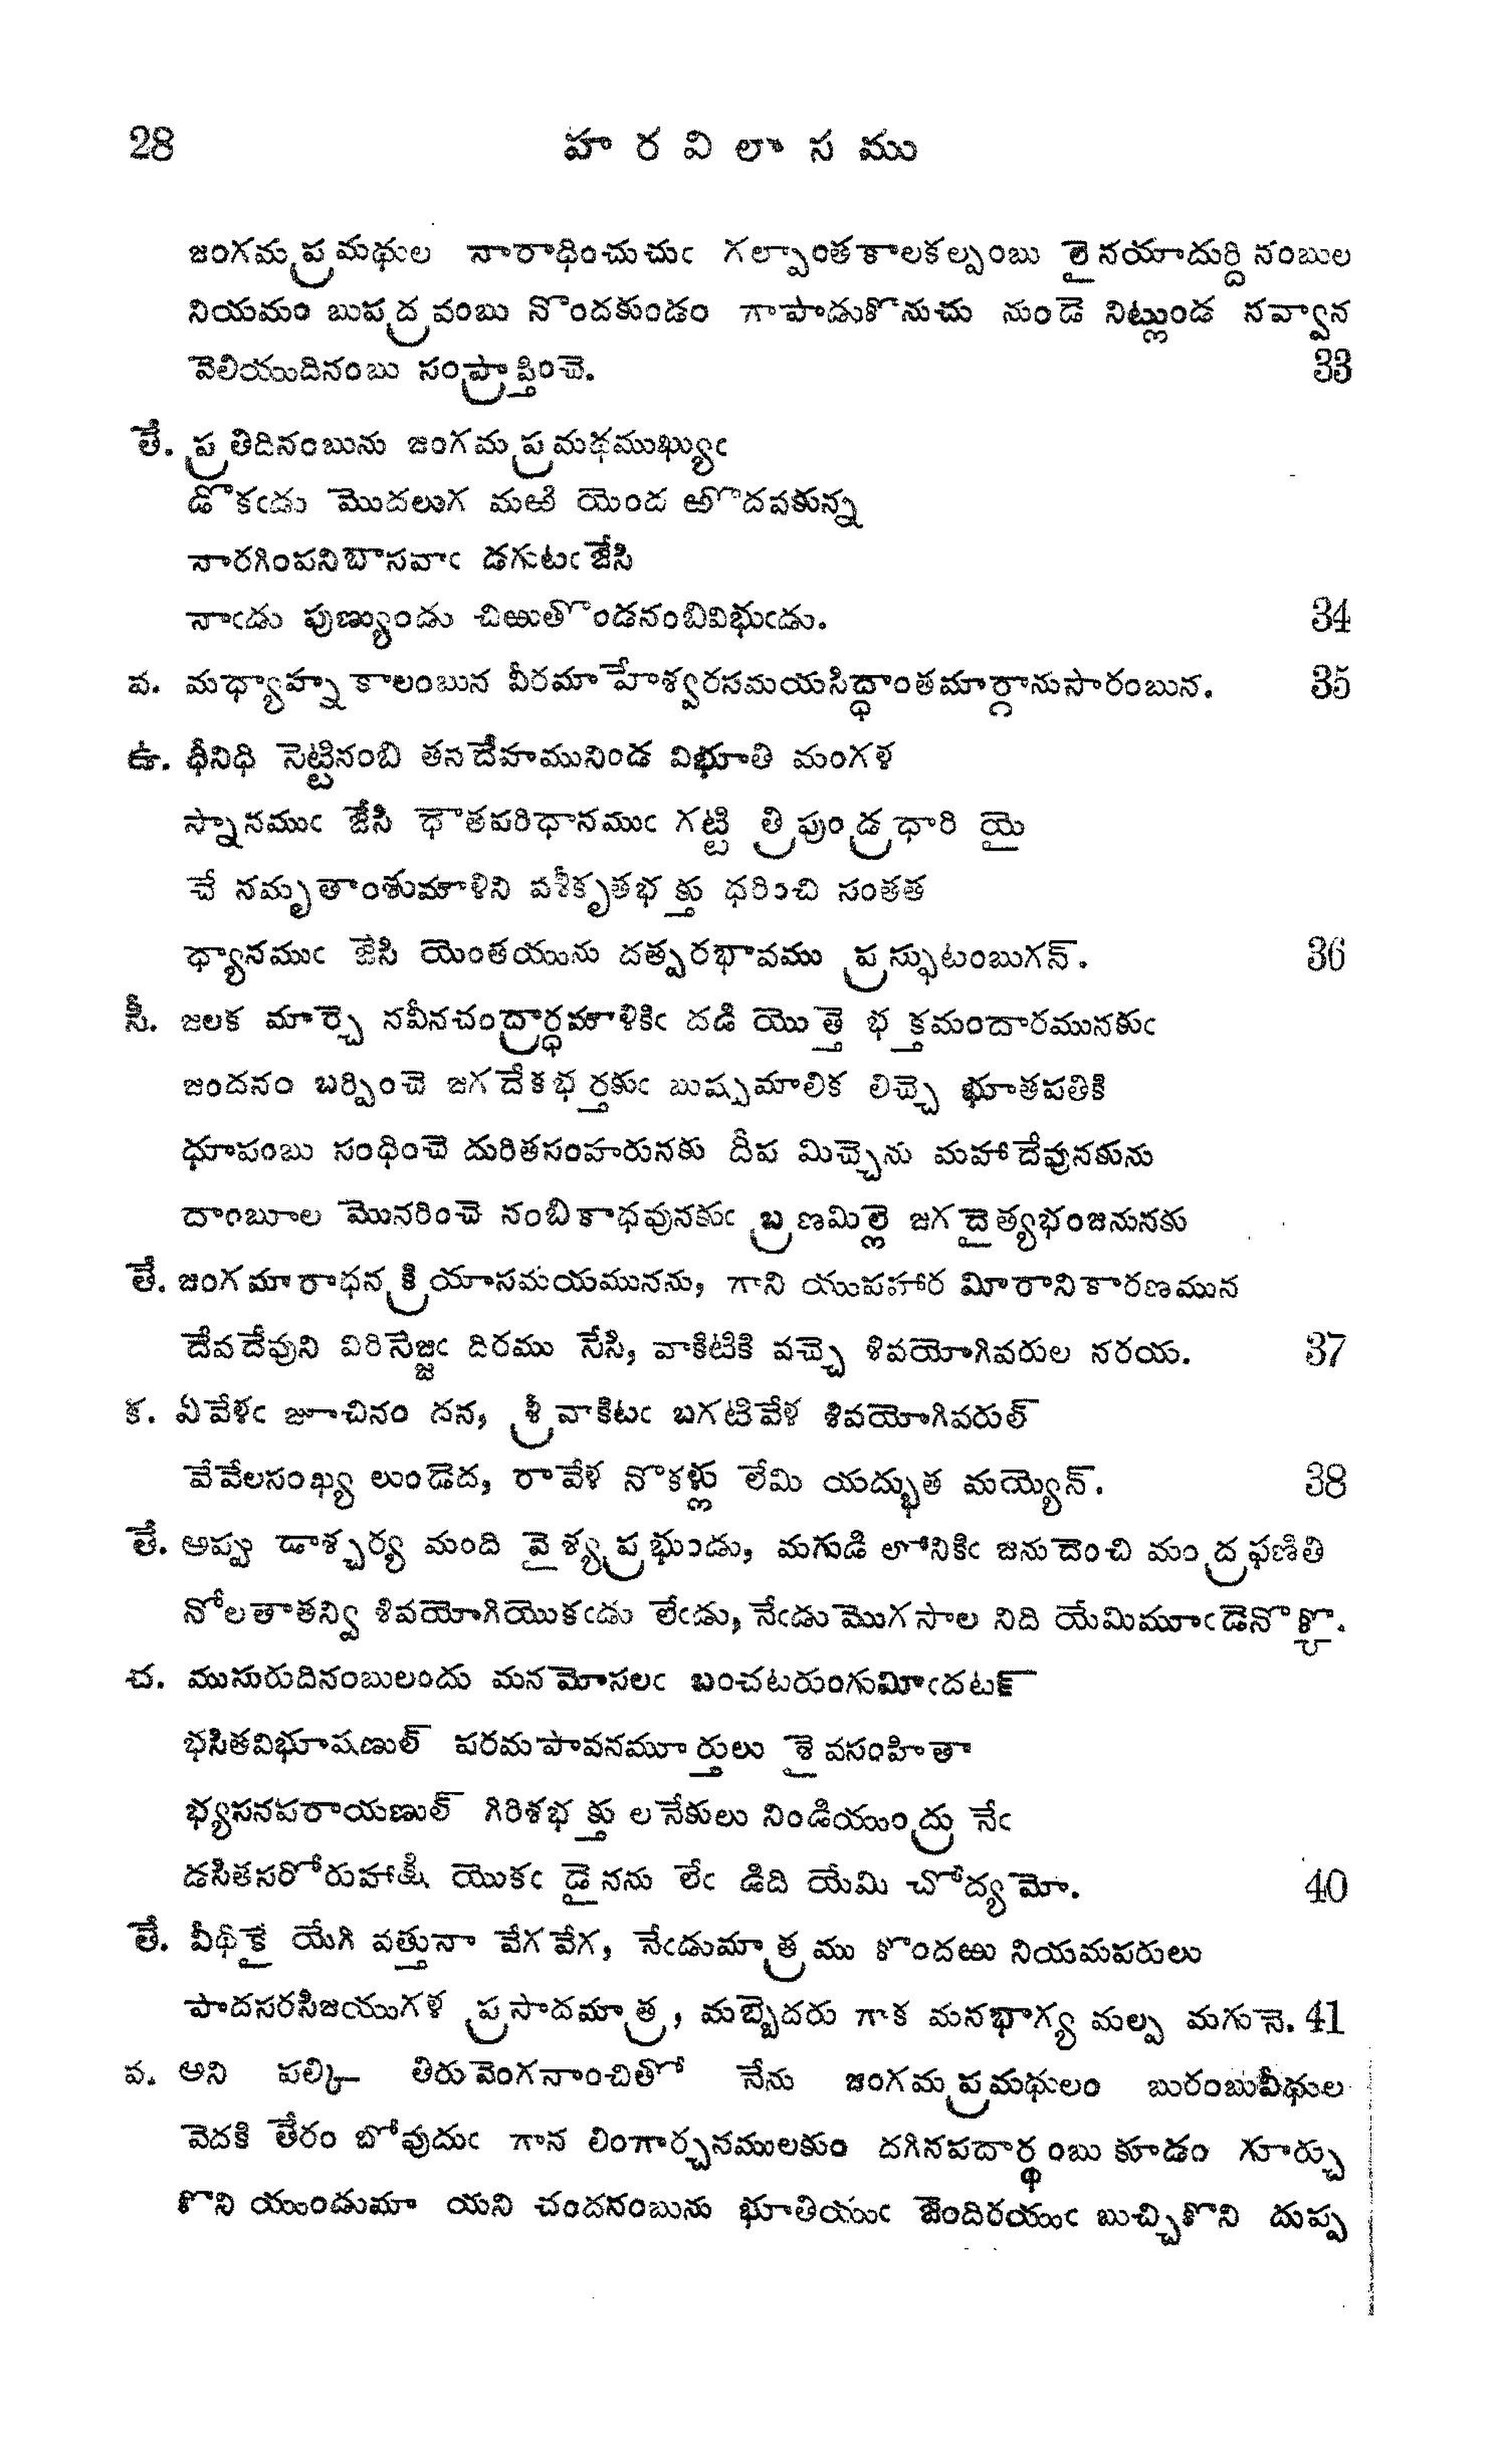జంగమప్రమథుల నారాధించుచుఁ గల్పాంతకాలకల్పంబులైన యాదుర్దినంబుల నియమం బుపద్రవంబు నొందకుండం గాపాడుకొనుచు నుండె నిట్లుండ నవ్వాన వెలియుదినంబు సంప్రాప్తించె. 33

తే. ప్రతిదినంబును జంగమప్రమథముఖ్యు
డొకఁడు మొదలుగ మఱి యెంద ఱొదవకున్న
నారగింపనిబాసవాఁ డగుటఁ జేసి
నాఁడు పుణ్యుండు చిఱుతొండనంబివిభుఁడు. 34

వ. మధ్యాహ్నకాలంబున వీరమాహేశ్వరసమయసిద్ధాంతమార్గానుసారంబున. 35

ఉ. ధీనిధి సెట్టితంబి తనదేహమునిండ విభూతి మంగళ
స్నానముఁ జేసి ధౌతపరిధానముఁ గట్టి త్రిపుండ్రధారియై
చే నమృతాశుమౌళిని వశీకృతభక్తు ధరించి సంతత
ధ్యానముఁ జేసి యెంతయును దత్పరభావము ప్రస్ఫుటంబుగన్. 36

సీ. జలక మార్చె నవీనచంద్రార్ధమౌళికిఁ దడి యొత్తె భక్తమందారమునకుఁ
జందనం బర్పించె జగదేకభర్తకుఁ బుష్పమాలిక లిచ్చె భూతపతికి
ధూపంబు సంధించె దురితసంహరునకు దీప మిచ్చెను మహాదేవునకును
దాంబూల మొనరించె నంబికాధవునకుఁ బ్రణమిల్లె జగదైత్యభంజనునకు
తే. జంగమారాధనక్రియాసమయమునను, గాని యుపహార మీరానికారణమున
దేవదేవుని విరిసెజ్జఁ దిరము సేసి, వాకిటికి వచ్చె శివయోగివరుల నరయ. 37

క. ఏవేళఁ జూచినం దన, శ్రీవాకిటఁ బగటివేళ శివయోగివరుల్
వేవేలసంఖ్య లుండెద, రావేళ నొకళ్ళు లేమి యద్భుత మయ్యెన్. 38

తే. అప్పు డాశ్చర్య మంది వైశ్యప్రభుండు, మగుడి లోనికిఁ జనుదెంచి మంద్రఫణితి
నోలతాతన్వి శివయోగి యొకఁడు లేఁడు, నేఁడు మొగసాల నిది యేమి మూఁడె నొక్కొ. 39

చ. ముసురుదినంబులందు మనమోసలఁ బంచటరుంగుమీఁదటన్
భసితవిభూషణుల్ పరమపావనమూర్తులు శైవసంహితా
భ్యసనపరాయణుల్ గిరిశభక్తు లనేకులు నిండియుంద్రు నేఁ
డసితసరోరుహాక్షి యొకఁ డైనను లేఁ డిది యేమి చోద్యమో. 40

తే. వీథికై యేగి వత్తునా వేగవేగ, నేఁడుమాత్రము కొందఱు నియమపరులు
పాదసరసిజయుగళప్రసాదమాత్ర, మబ్బెదరు గాక మనభాగ్య మల్ప మగునె. 41

వ. అని పల్కి తిరువెంగనాచితో నేను జంగమప్రమథులం బురంబువీథుల వెదకి తేరం బోవుదుఁ గాన లింగార్చనములకుం దగినపదార్థంబు కూడం గూర్చుకొని యుండుమా యని చందనంబును భూతియుఁ జెందిరయుఁ బుచ్చికొని దుప్ప